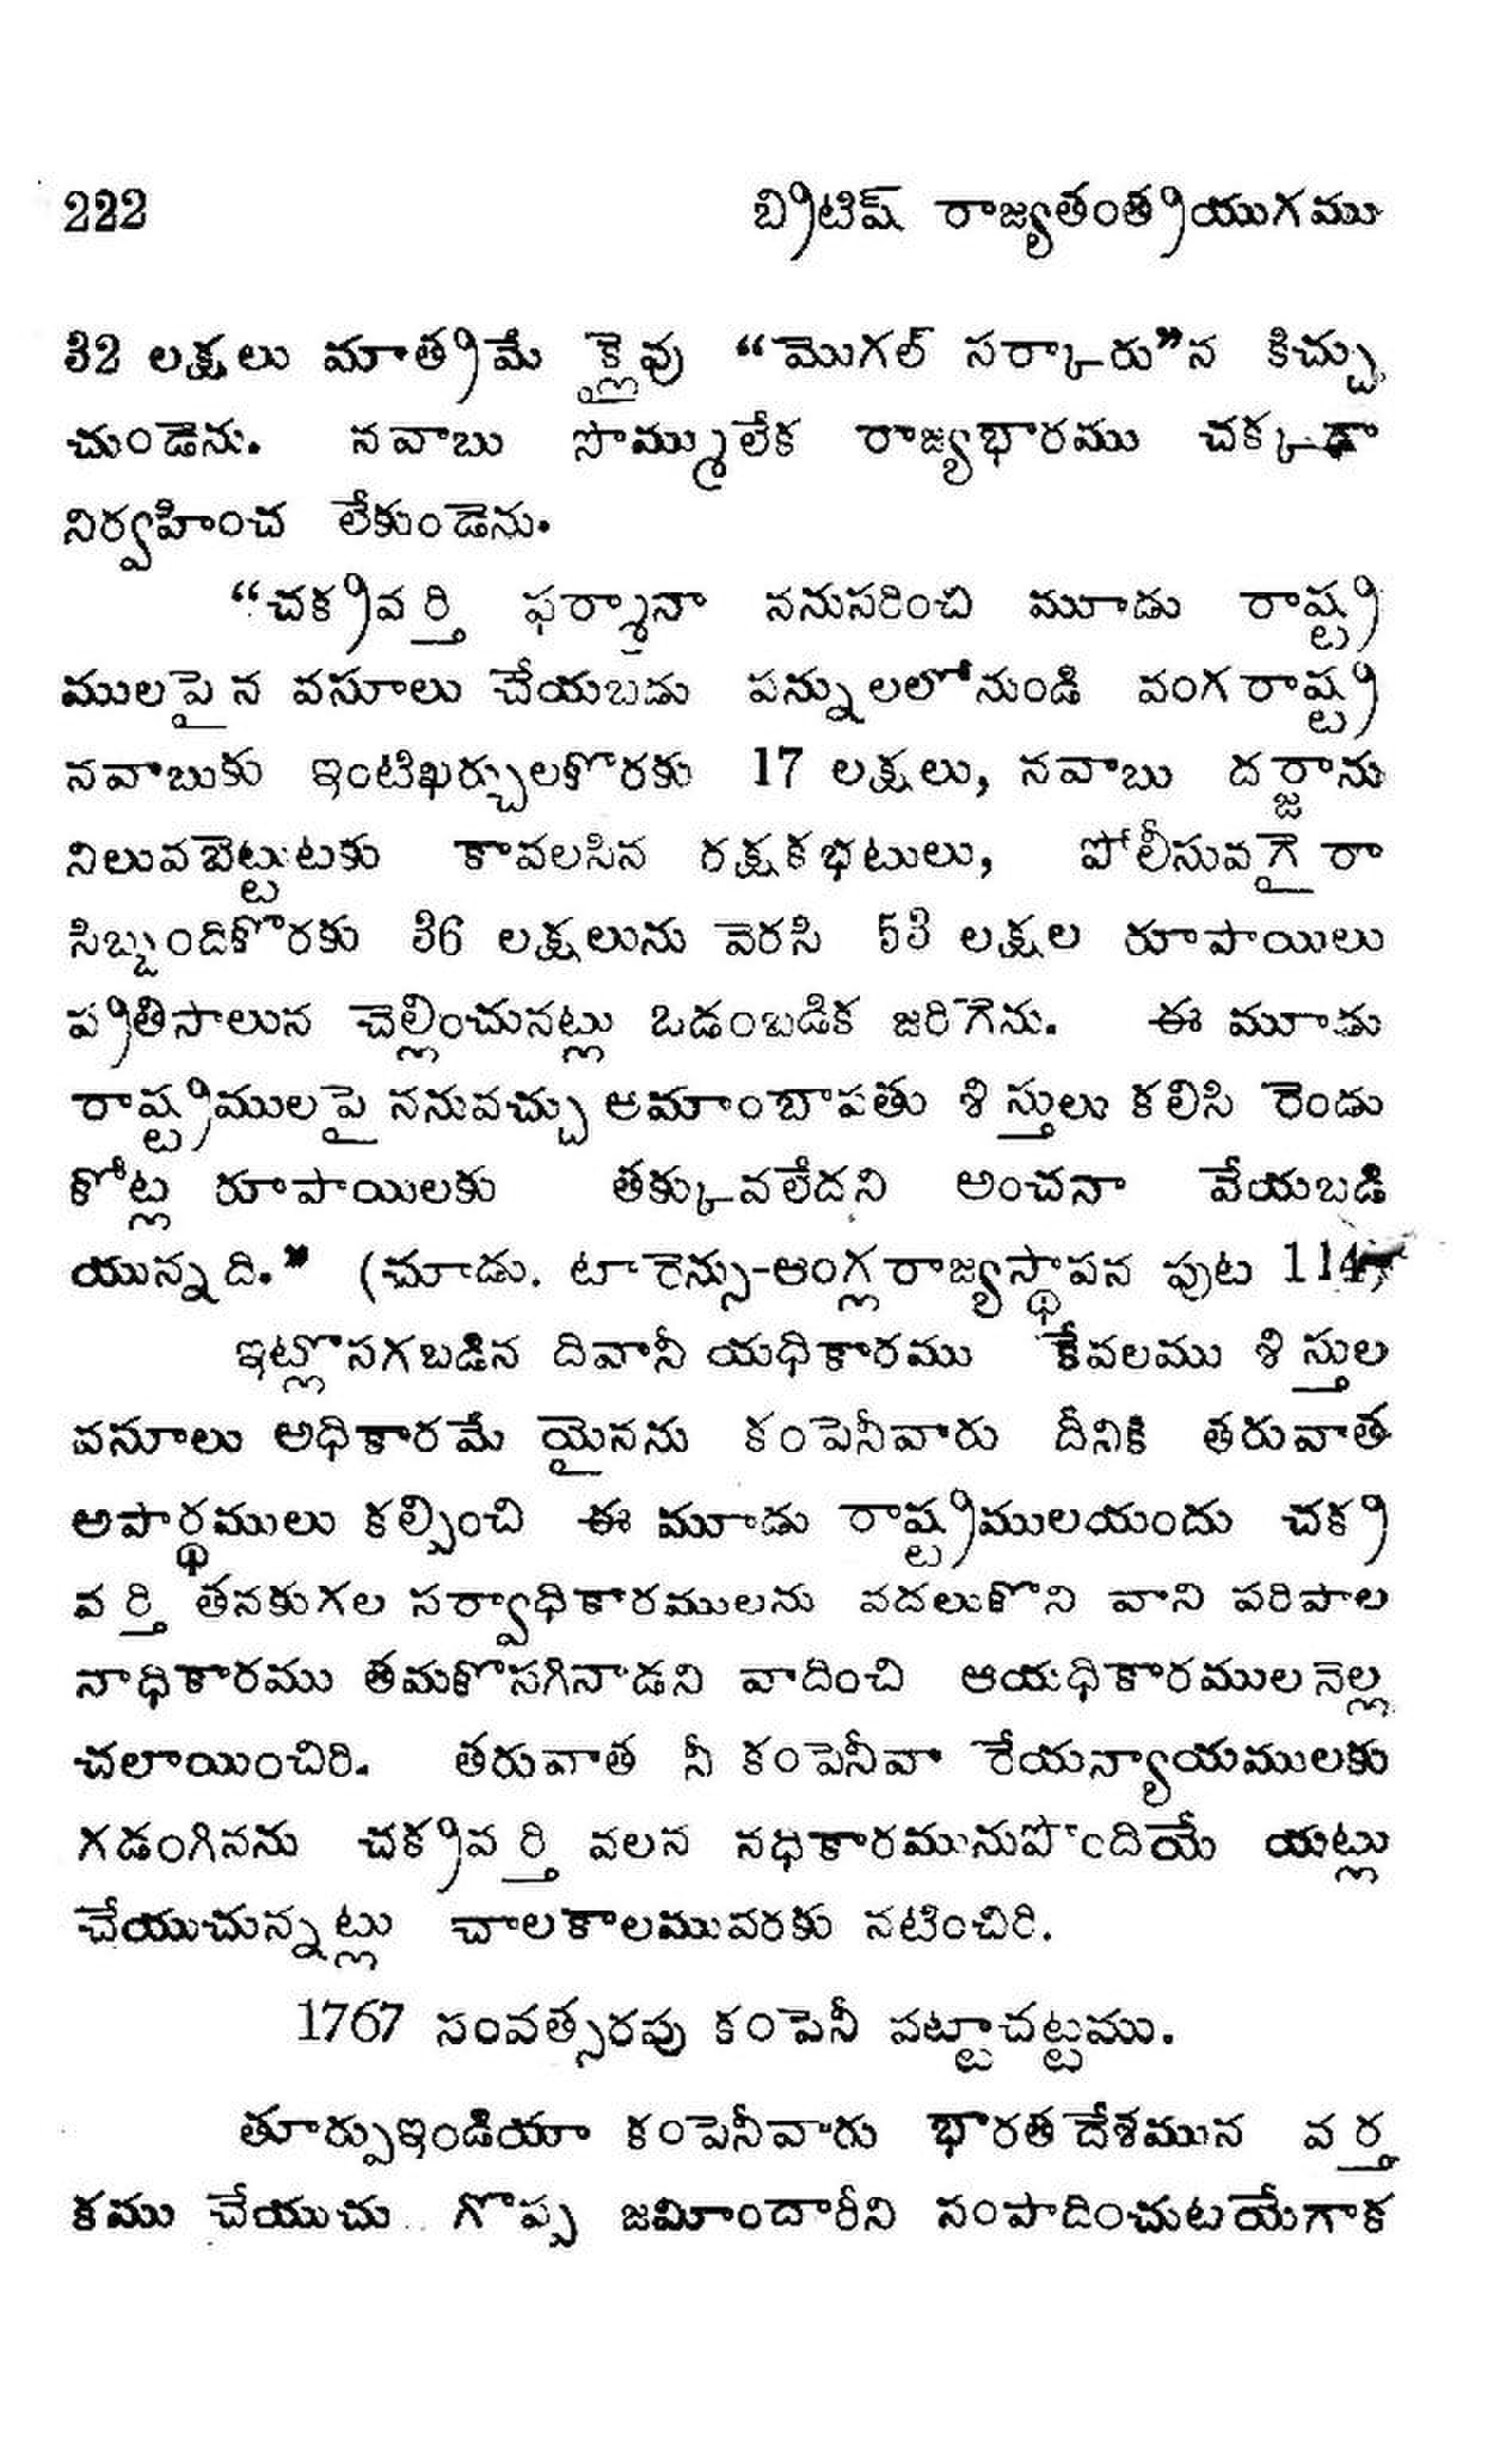32 లక్షలు మాత్రమే క్లైవు “మొగల్ సర్కారు"న కిచ్చుచుండెను. నవాబు సొమ్ములేక రాజ్యభారము చక్కగా నిర్వహించ లేకుండెను.

“చక్రవర్తి ఫర్మానా ననుసరించి మూడు రాష్ట్రములపైన వసూలు చేయబడు పన్నులలోనుండి వంగరాష్ట్ర నవాబుకు ఇంటిఖర్చులకొరకు 17 లక్షలు, నవాబు దర్జాను నిలువబెట్టుటకు కావలసిన రక్షకభటులు, పోలీసువగైరా సిబ్బందికొరకు 36 లక్షలును వెరసి 53 లక్షల రూపాయిలు ప్రతిసాలున చెల్లించునట్లు ఒడంబడిక జరిగెను. ఈ మూడు రాష్ట్రములపై ననువచ్చు అమాంబాపతు శిస్తులు కలిసి రెండుకోట్ల రూపాయిలకు తక్కువలేదని అంచనా వేయబడి యున్నది." (చూడు. టారెన్సు-ఆంగ్ల రాజ్యస్థాపన పుట 114)

ఇట్లొసగబడిన దివానీ యధికారము కేవలము శిస్తుల వసూలు అధికారమే యైనను కంపెనీవారు దీనికి తరువాత అపార్ధములు కల్పించి ఈ మూడు రాష్ట్రములయందు చక్రవర్తి తనకుగల సర్వాధికారములను వదలుకొని వాని పరిపాలనాధికారము తమకొసగినాడని వాదించి ఆయధికారముల నెల్ల చలాయించిరి. తరువాత నీ కంపెనీవా రేయన్యాయములకు గడంగినను చక్రవర్తి వలన నధికారమునుపొందియే యట్లు చేయుచున్నట్లు చాలకాలమువరకు నటించిరి.

తూర్పుఇండియా కంపెనీవారు భారతదేశమున వర్తకము చేయుచు.. గొప్ప జమీందారీని సంపాదించుటయేగాక